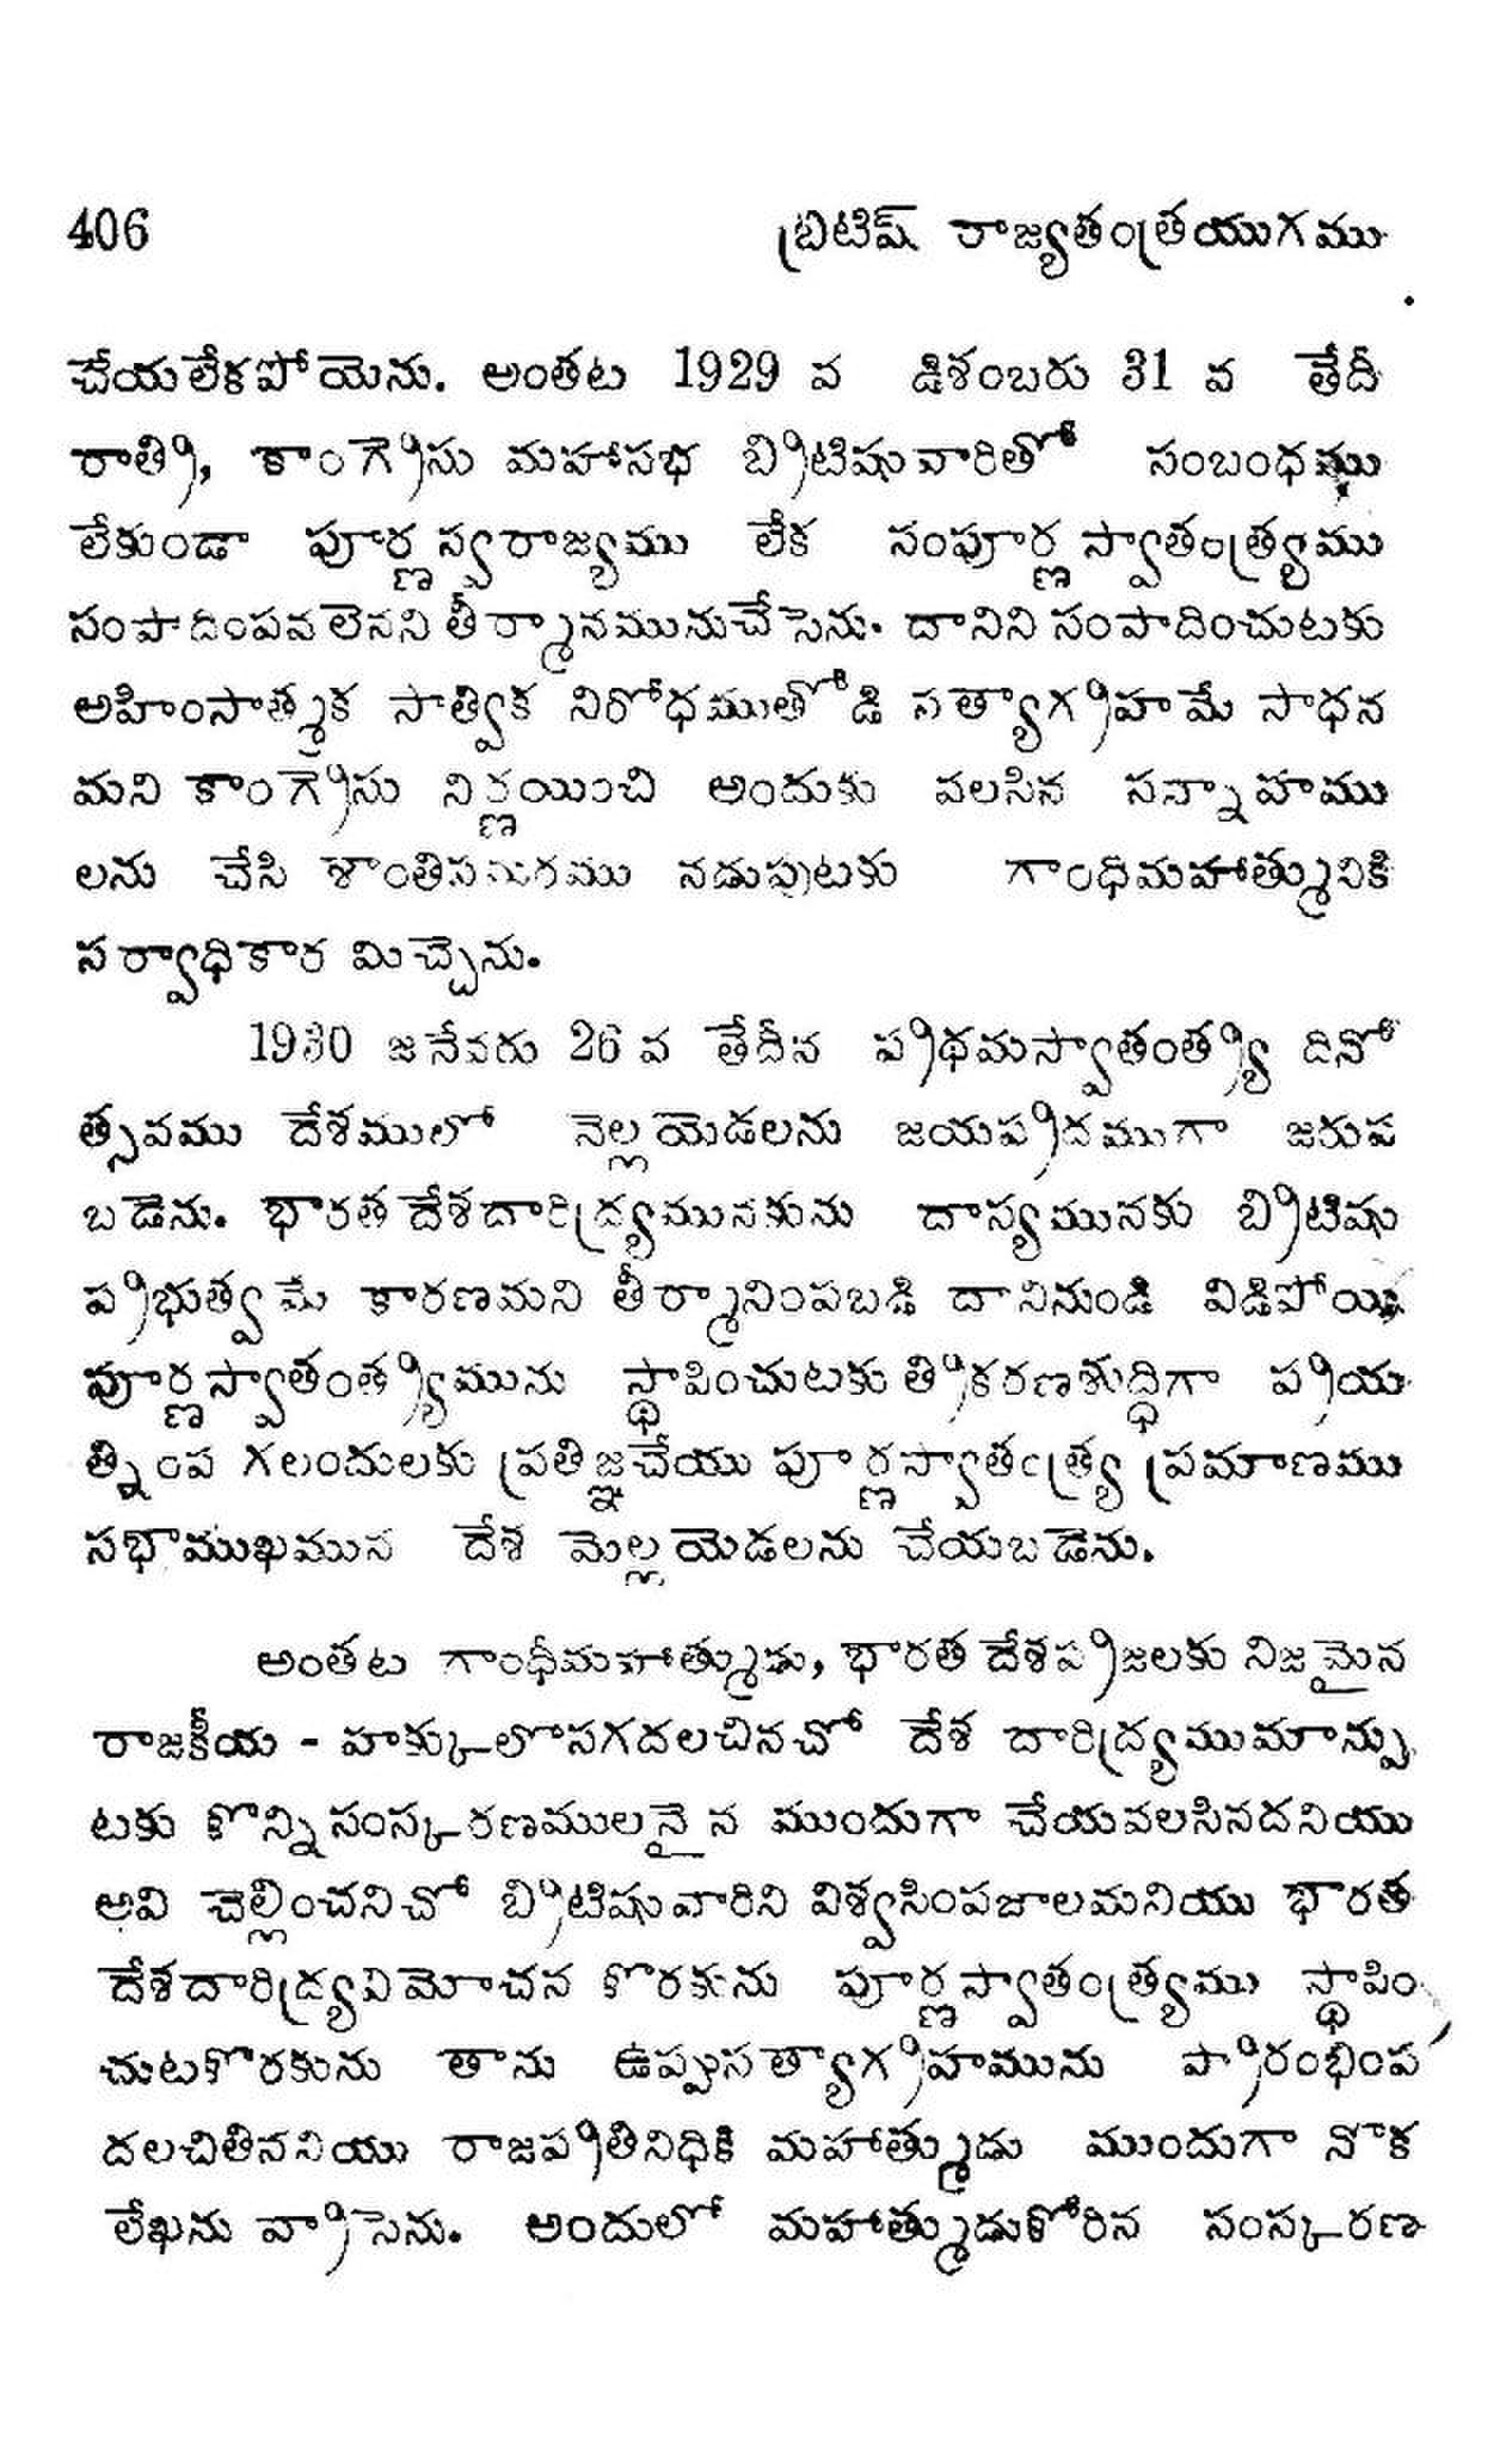చేయలేకపోయెను. అంతట 1929 వ డిశంబరు 31 వ తేదీ రాత్రి, కాంగ్రెసు మహాసభ బ్రిటిషువారితో సంబంధము లేకుండా పూర్ణస్వరాజ్యము లేక సంపూర్ణస్వాతంత్ర్యము సంపాదింపవలెనని తీర్మానమునుచేసెను. దానిని సంపాదించుటకు అహింసాత్మక సాత్విక నిరోధముతోడి సత్యాగ్రహమే సాధనమని కాంగ్రెసు నిర్ణయించి అందుకు వలసిన సన్నాహములను చేసి శాంతిసమరము నడుపుటకు గాంధీమహాత్మునికి సర్వాధికార మిచ్చెను.

1930 జనేవరు 26 వ తేదీన ప్రథమస్వాతంత్ర్య దినోత్సవము దేశములో నెల్లయెడలను జయప్రదముగా జరుపబడెను. భారతదేశదారిద్ర్యమునకును దాస్యమునకు బ్రిటిషుప్రభుత్వమే కారణమని తీర్మానింపబడి దానినుండి విడిపోయి పూర్ణస్వాతంత్ర్యమును స్థాపించుటకు త్రికరణశుద్ధిగా ప్రయత్నింప గలందులకు ప్రతిజ్ఞచేయు పూర్ణస్వాతంత్ర్య ప్రమాణము సభాముఖమున దేశ మెల్లయెడలను చేయబడెను.

అంతట గాంధీమహాత్ముడు, భారత దేశప్రజలకు నిజమైన రాజకీయ - హక్కులొసగదలచినచో దేశ దారిద్ర్యము మాన్పుటకు కొన్ని సంస్కరణములనైన ముందుగా చేయవలసినదనియు అవి చెల్లించనిచో బ్రిటిషువారిని విశ్వసింపజాలమనియు భారతదేశదారిద్ర్యవిమోచన కొరకును పూర్ణస్వాతంత్ర్యము స్థాపించుటకొరకును తాను ఉప్పుసత్యాగ్రహమును ప్రారంభింప దలచితిననియు రాజప్రతినిధికి మహాత్ముడు ముందుగా నొక లేఖను వ్రాసెను. అందులో మహాత్ముడుకోరిన సంస్కరణ